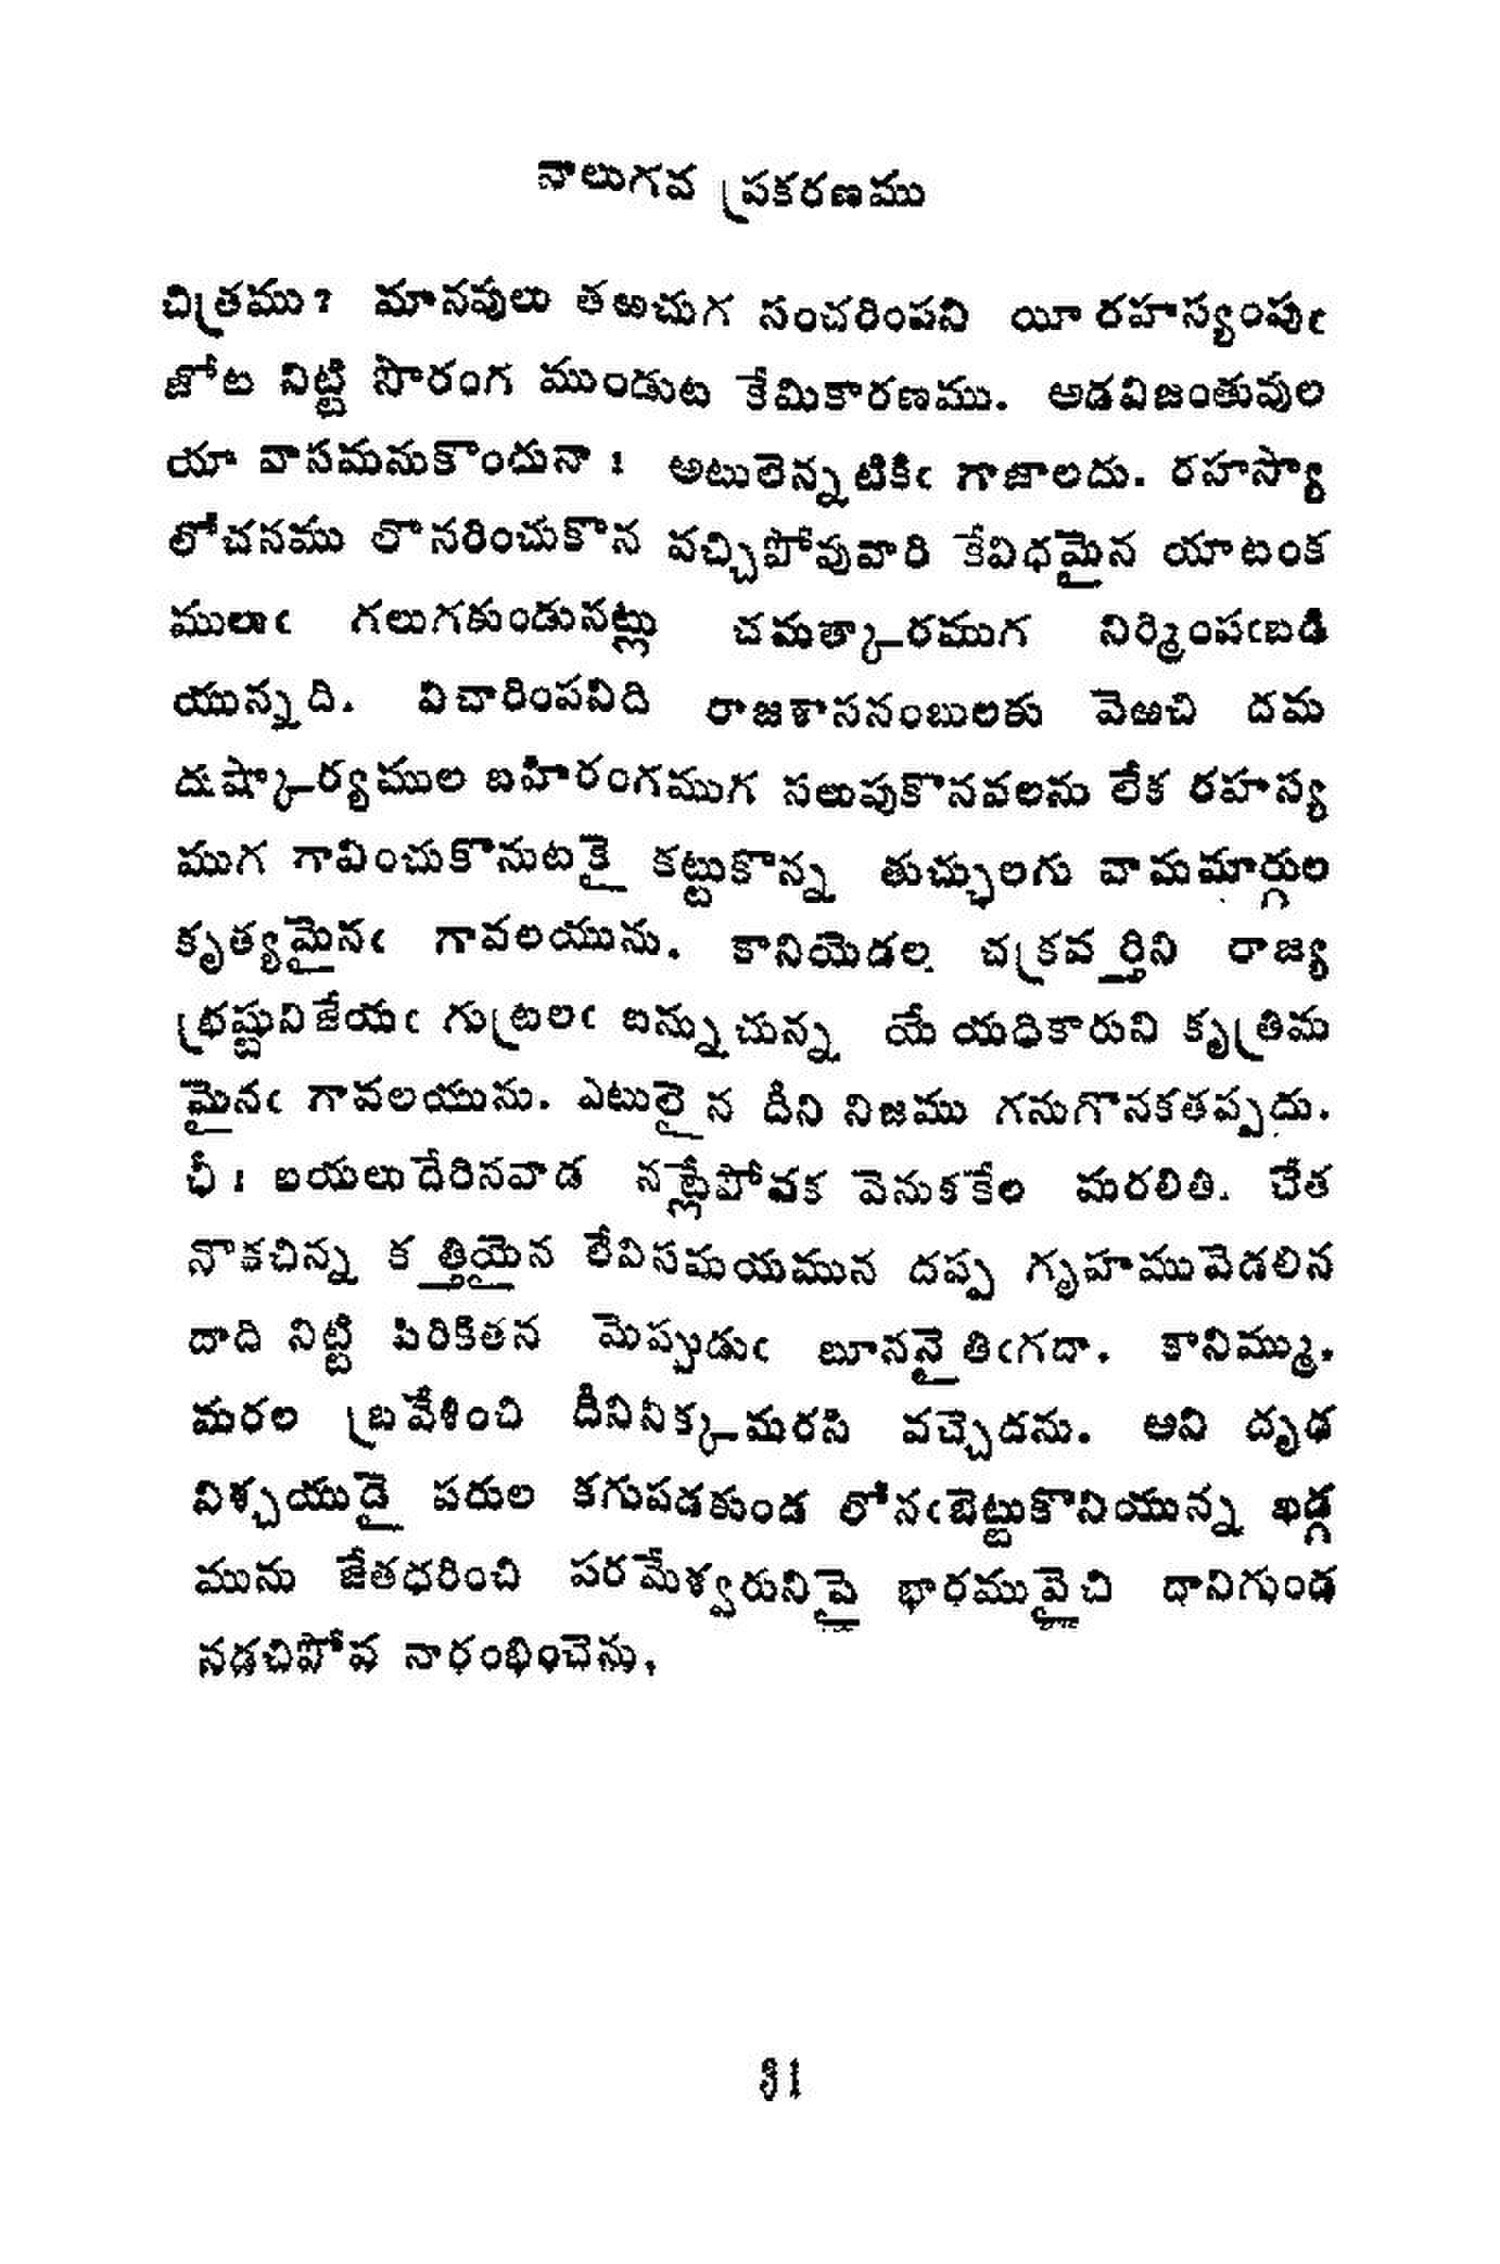చిత్రము? మానవులు తఱచుగ సంచరింపని యీ రహస్యంపుఁ జోట నిట్టి సొరంగ ముండుట కేమికారణము. అడవిజంతువుల యా వాసమనుకొందునా ! అటులెన్నటికిఁ గాజాలదు. రహస్యా లోచనము లొనరించుకొన వచ్చిపోవువారి కేవిధమైన యాటంకములుఁ గలుగకుండునట్లు చమత్కారముగ నిర్మింపబడి యున్నది. విచారింపనిది రాజశాసనంబులకు వెఱచి దమ దుష్కార్యముల బహిరంగముగ సలుపుకొనవలను లేక రహస్యముగ గావించుకొనుటకై కట్టుకొన్న తుచ్చులగు వామమార్గుల కృత్యమైనఁ గావలయును. కానియెడల చక్రవర్తిని రాజ్య భ్రష్టునిజేయఁ గుట్రలఁ బన్నుచున్న యే యధికారుని కృత్రిమమైనఁ గావలయును. ఎటులైన దీని నిజము గనుగొనకతప్పదు. చీ ! బయలుదేరినవాడ నట్లేపోవక వెనుకకేల మరలితి. చేత నొకచిన్న కత్తియైన లేవిసమయమున దప్ప గృహమువెడలిన దాది నిట్టి పిరికితన మెప్పుడుఁ బూననైతిఁగదా. కానిమ్ము, మరల బ్రవేశించి దీనినిక్కమరసి వచ్చెదను. అవి దృఢ విశ్చయుడై పరుల కగుపడకుండ లోనఁబెట్టుకొనియున్న ఖడ్గమును జేతధరించి పరమేశ్వరునిపై భారమువైచి దానిగుండ నడచిపోవ నారంభించెను,